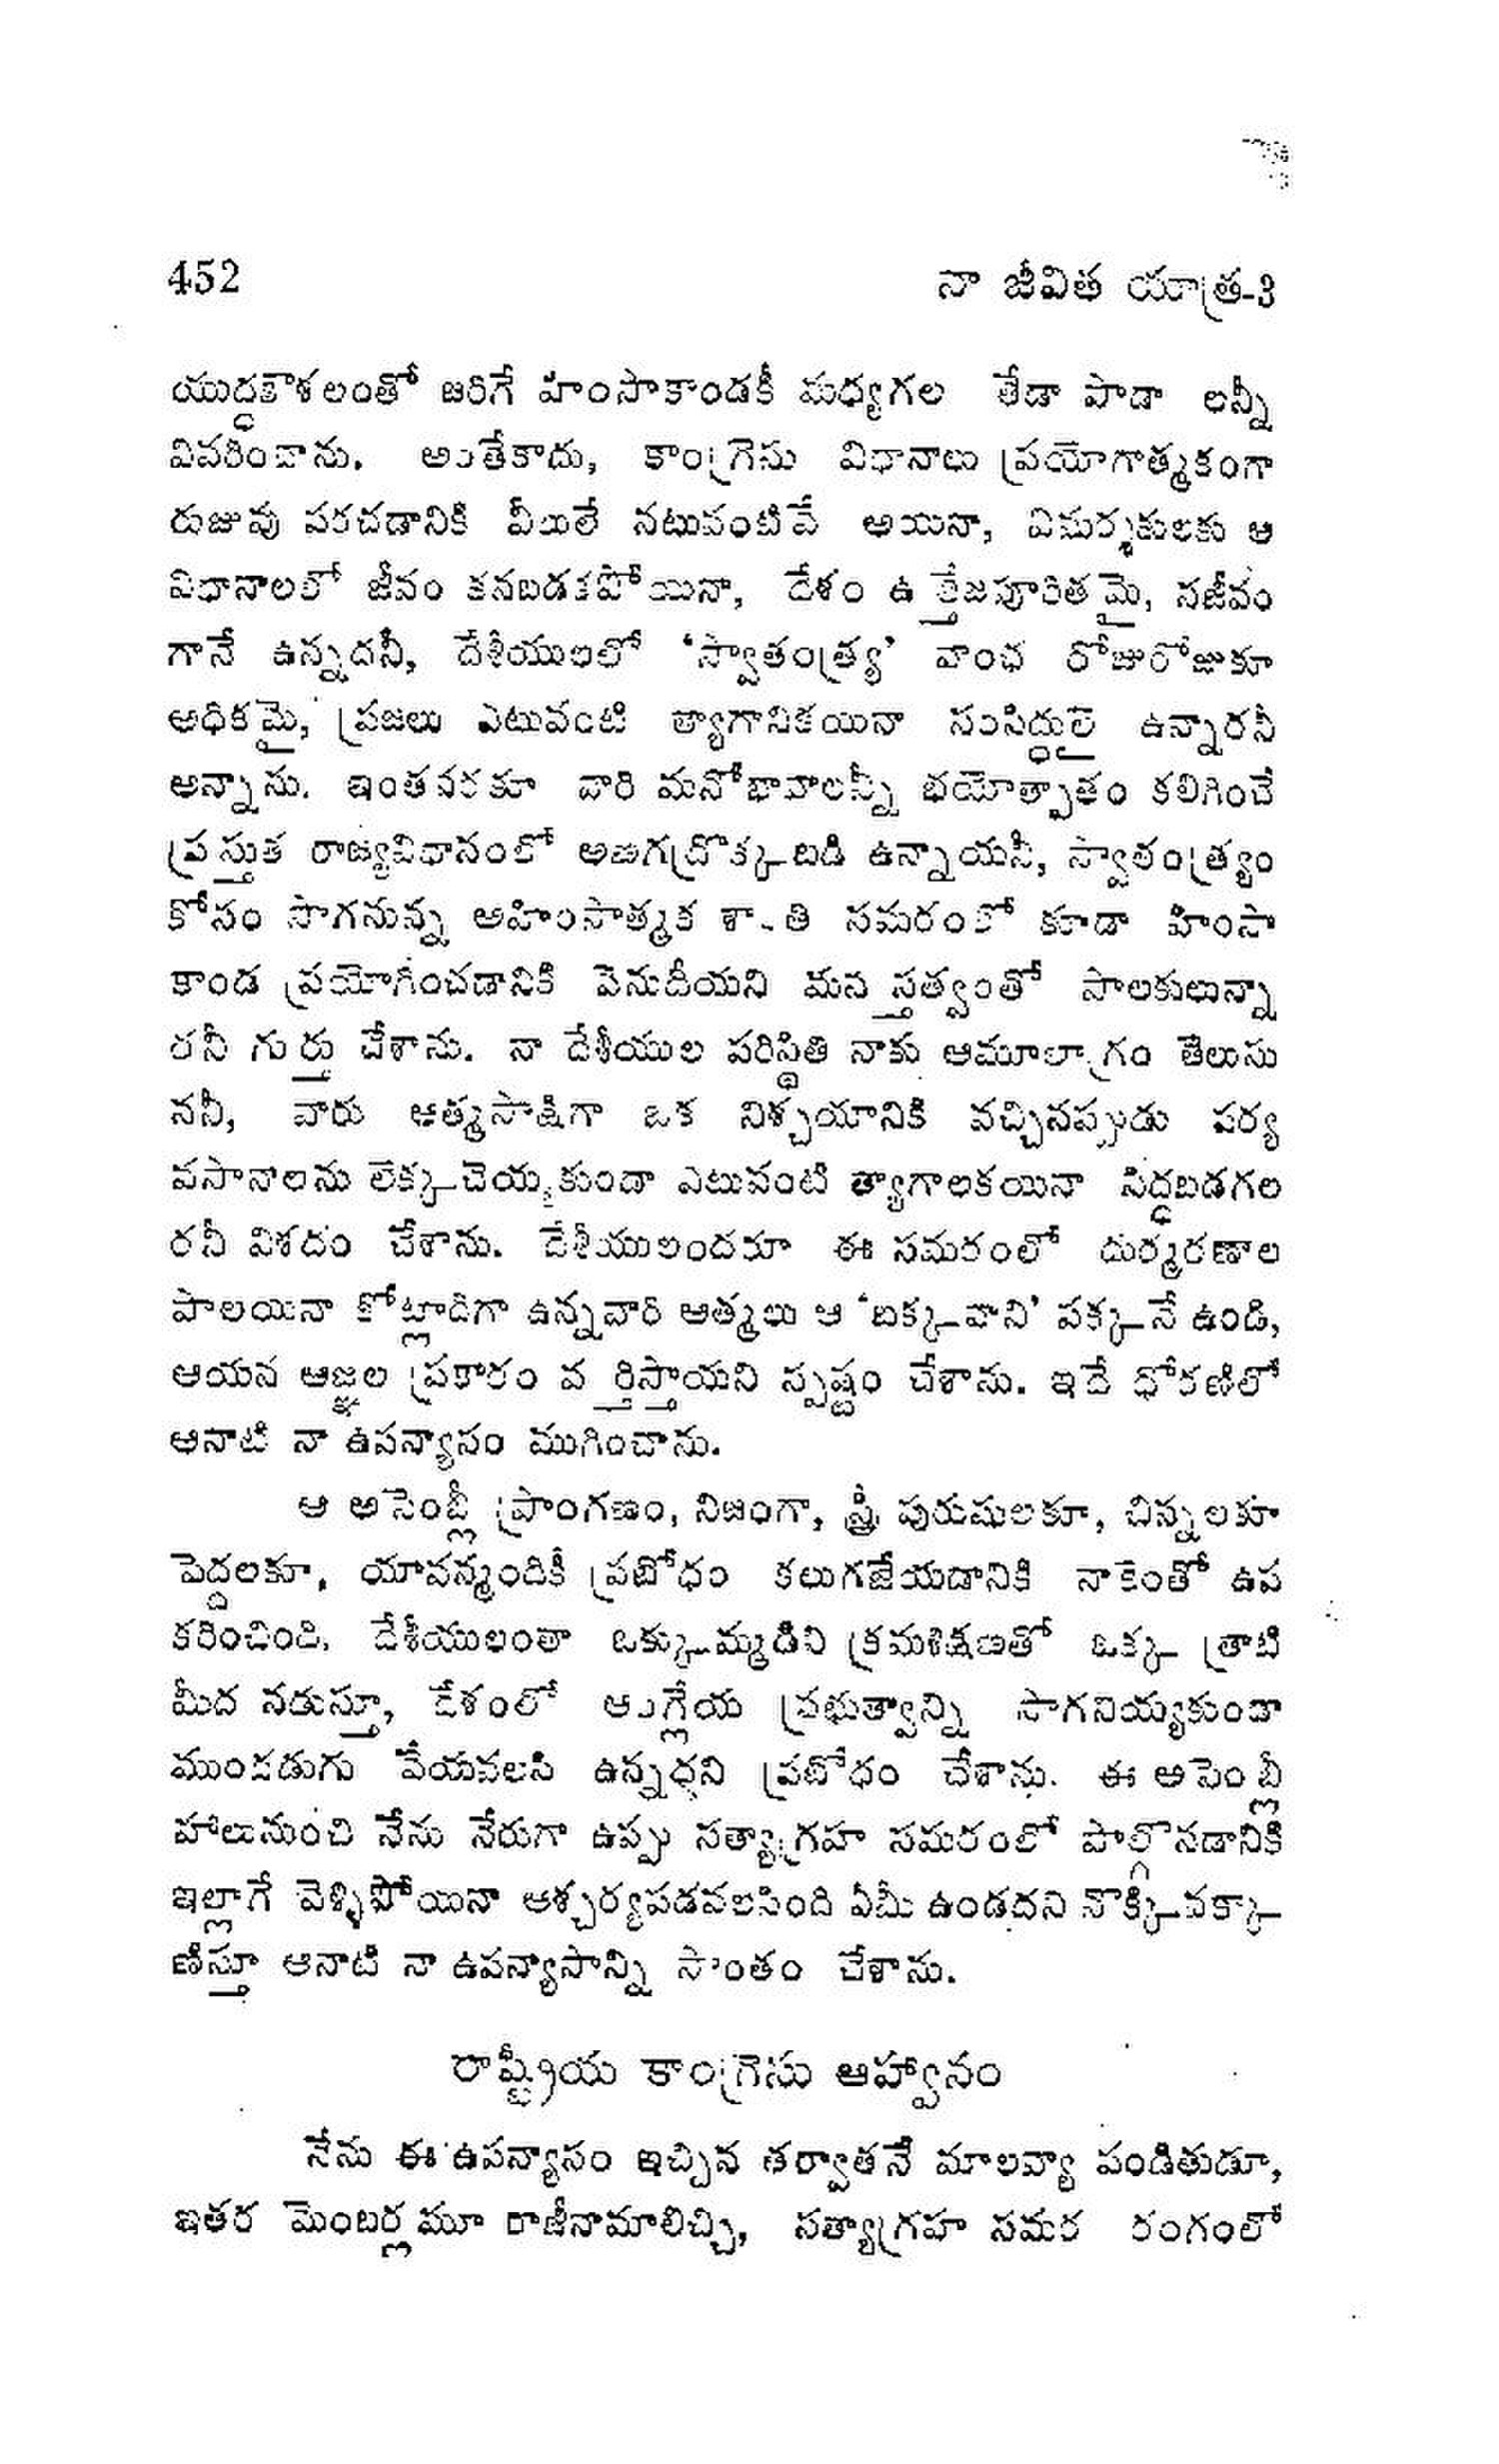యుద్ధకౌశలంతో జరిగే హింసాకాండకీ మధ్యగల తేడా పాడా లన్నీ వివరించాను. అంతేకాదు, కాంగ్రెసు విధానాలు ప్రయోగాత్మకంగా రుజువు పరచడానికి వీలులే నటువంటివే అయినా, విమర్శకులకు ఆ విధానాలలో జీవం కనబడకపోయినా, దేశం ఉత్తేజపూరితమై, సజీవంగానే ఉన్నదనీ, దేశీయులలో 'స్వాతంత్ర్య' వాంఛ రోజురోజుకూ అధికమై, ప్రజలు ఎటువంటి త్యాగానికయినా సంసిద్ధులై ఉన్నారనీ అన్నాను. ఇంతవరకూ వారి మనోభావాలన్నీ భయోత్పాతం కలిగించే ప్రస్తుత రాజ్యవిధానంలో అణగద్రొక్కబడి ఉన్నాయనీ, స్వాతంత్ర్యం కోసం సాగనున్న అహింసాత్మక శాంతి సమరంలో కూడా హింసాకాండ ప్రయోగించడానికి వెనుదీయని మనస్తత్వంతో పాలకులున్నారనీ గుర్తు చేశాను. నా దేశీయుల పరిస్థితి నాకు అమూలాగ్రం తెలుసుననీ, వారు ఆత్మసాక్షిగా ఒక నిశ్చయానికి వచ్చినప్పుడు పర్యవసానాలను లెక్కచెయ్యకుండా ఎటువంటి త్యాగాలకయినా సిద్ధపడగలరనీ విశదం చేశాను. దేశీయులందరూ ఈ సమరంలో దుర్మరణాల పాలయినా కోట్లాదిగా ఉన్నవారి ఆత్మలు ఆ 'బక్కవాని' పక్కనే ఉండి ఆయన ఆజ్ఞల ప్రకారం వర్తిస్తాయని స్పష్టం చేశాను. ఇదే ధోరణిలో ఆనాటి నా ఉపన్యాసం ముగించాను.

ఆ అసెంబ్లీ ప్రాంగణం, నిజంగా, స్త్రీ పురుషులకూ, చిన్నలకూ, పెద్దలకూ, యావన్మందికి ప్రబోధం కలుగజేయడానికి నాకెంతో ఉపకరించింది. దేశీయులంతా ఒక్కుమ్మడిని క్రమశిక్షణతో ఒక్క త్రాటిమీద నడుస్తూ, దేశంలో ఆంగ్లేయ ప్రభుత్వాన్ని సాగనియ్యకుండా ముందడుగు వేయవలసి ఉన్నదని ప్రబోధం చేశాను. ఈ అసెంబ్లీ హాలునుంచి నేను నేరుగా ఉప్పు సత్యాగ్రహ సమరంలో పాల్గొనడానికి ఇల్లాగే వెళ్ళిపోయినా ఆశ్చర్యపడవలసింది ఏమీ ఉండదని నొక్కివక్కాణిస్తూ ఆనాటి నా ఉపన్యాసాన్ని సాంతం చేశాను.

నేను ఈ ఉపన్యాసం ఇచ్చిన తర్వాతనే మాలవ్యా పండితుడూ ఇతర మెంబర్లమూ రాజీనామాలిచ్చి, సత్యాగ్రహ సమర రంగంలో